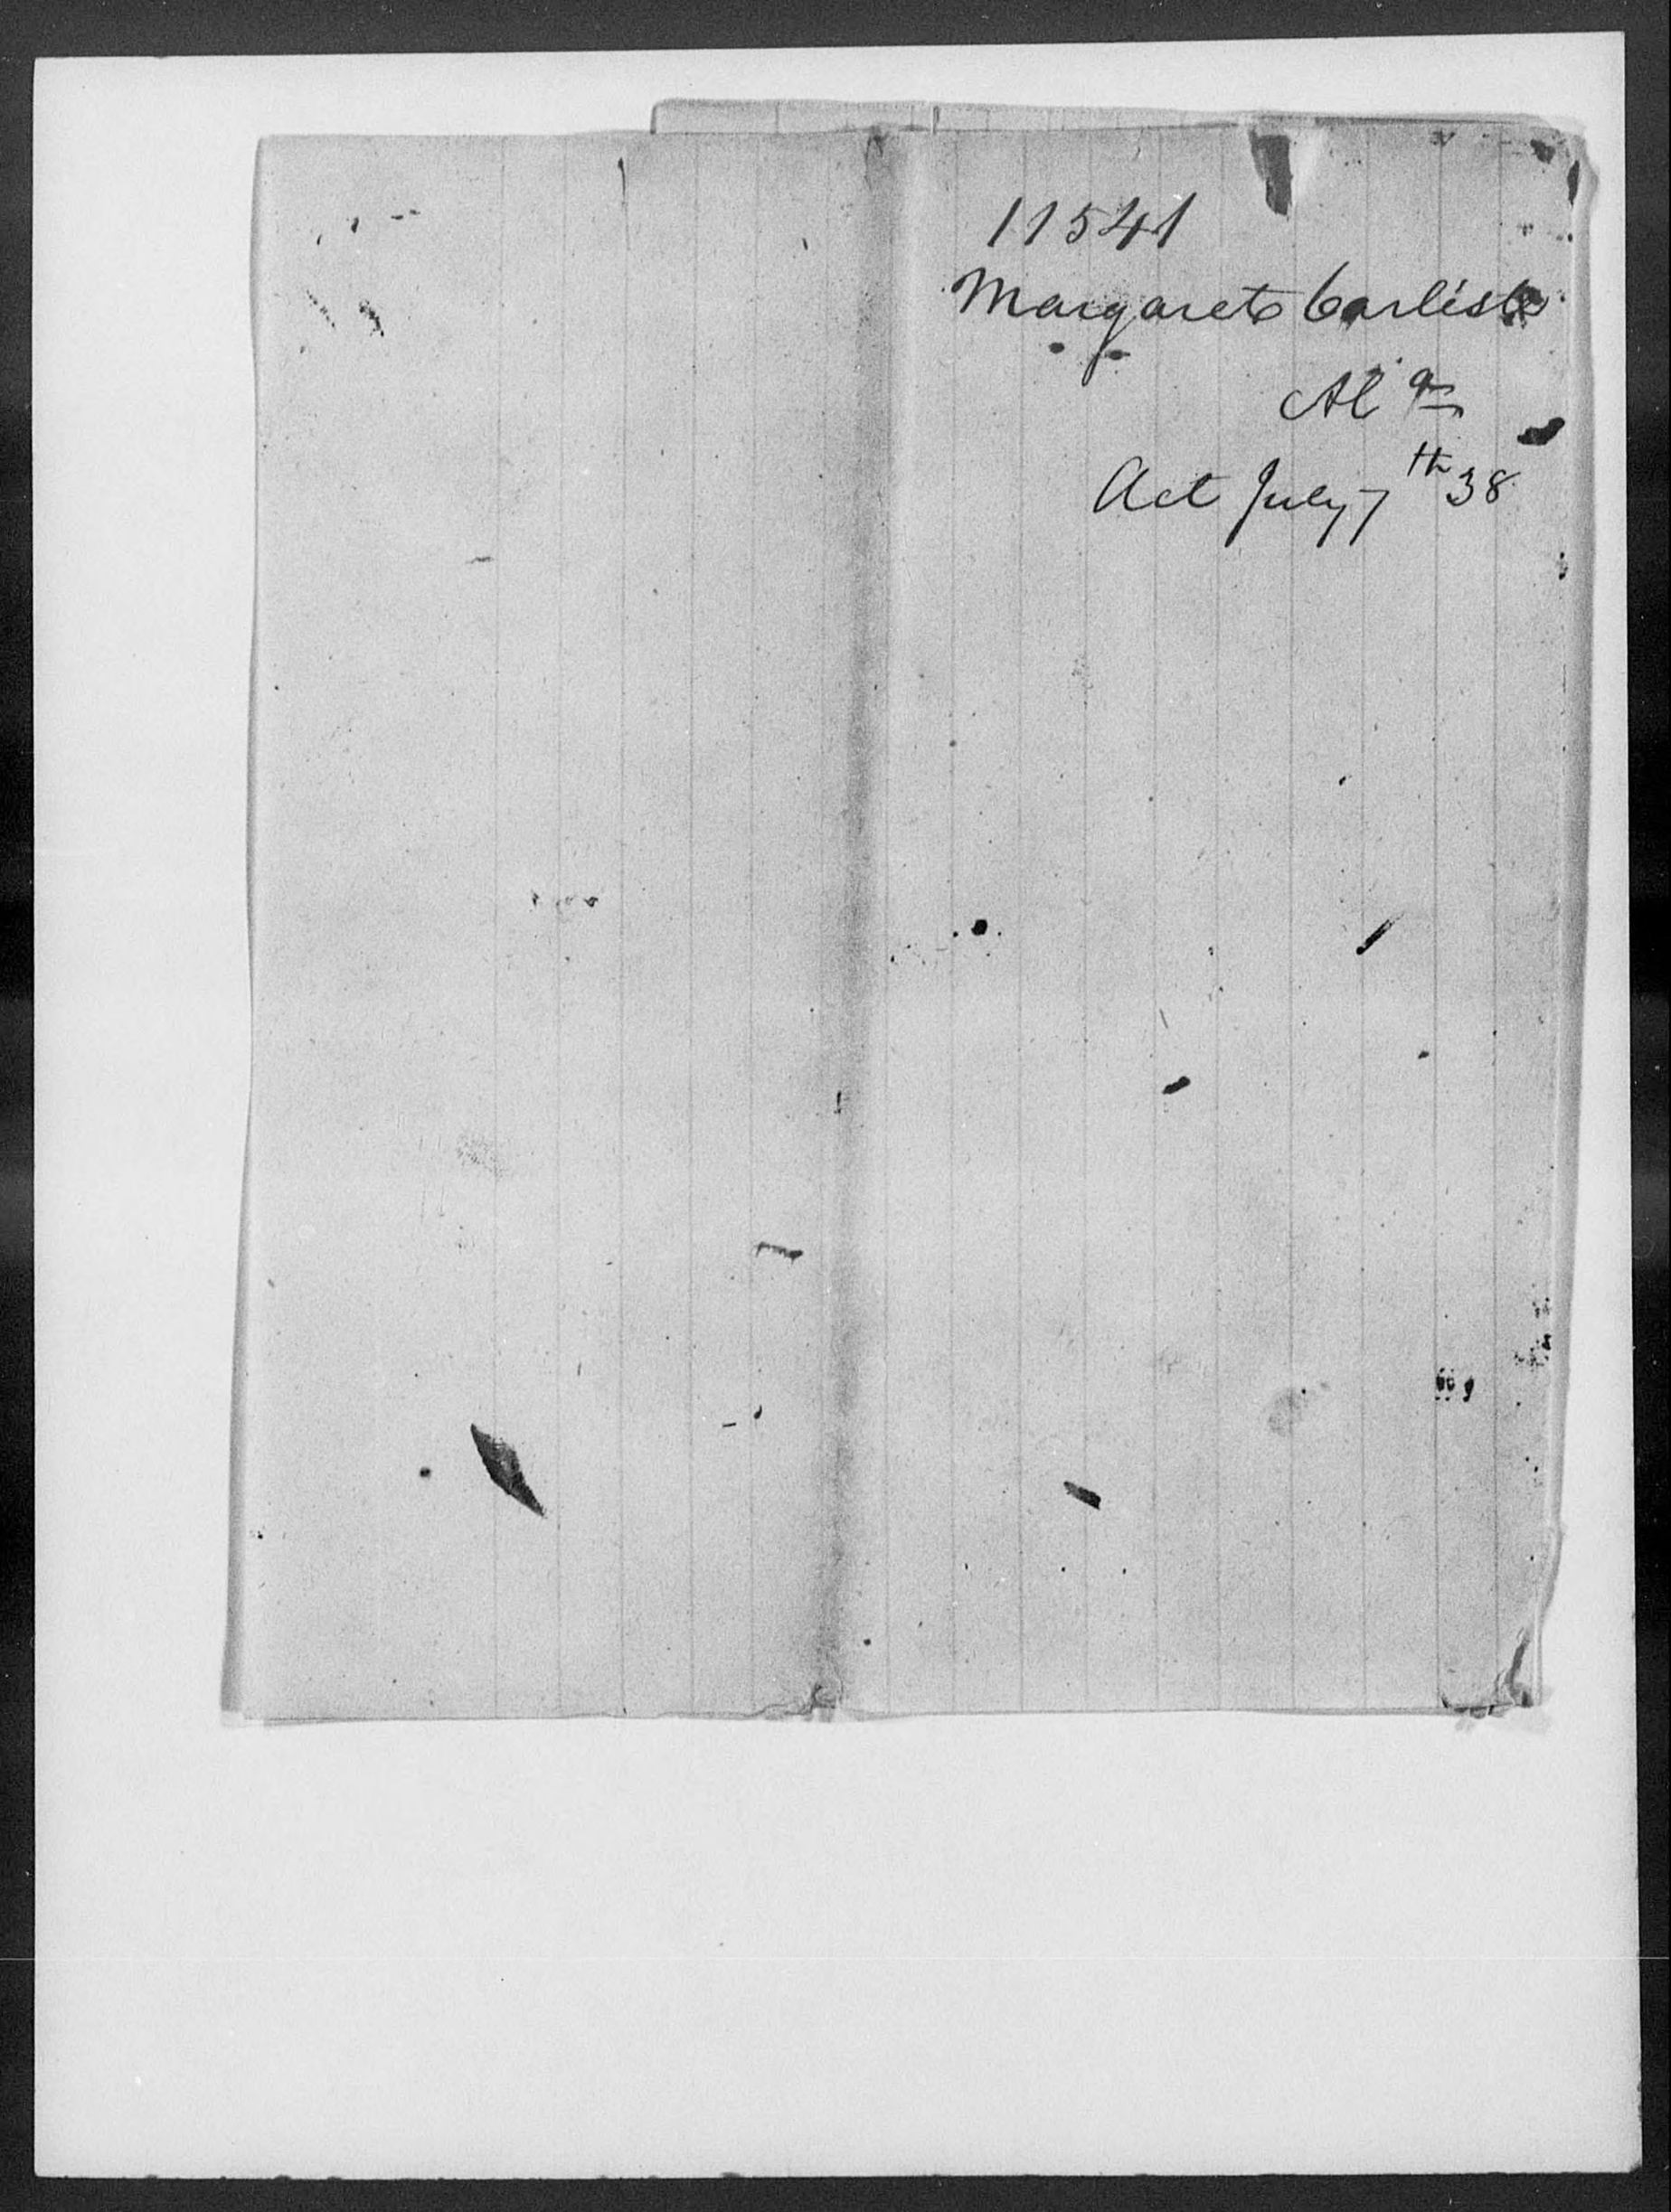11541
Margaret Carlisle
Ala
Act July 7th 38
-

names: Margaret Carlisle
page: 30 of 91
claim: widow's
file: W. 10576, Francis Carlisle, S.C.